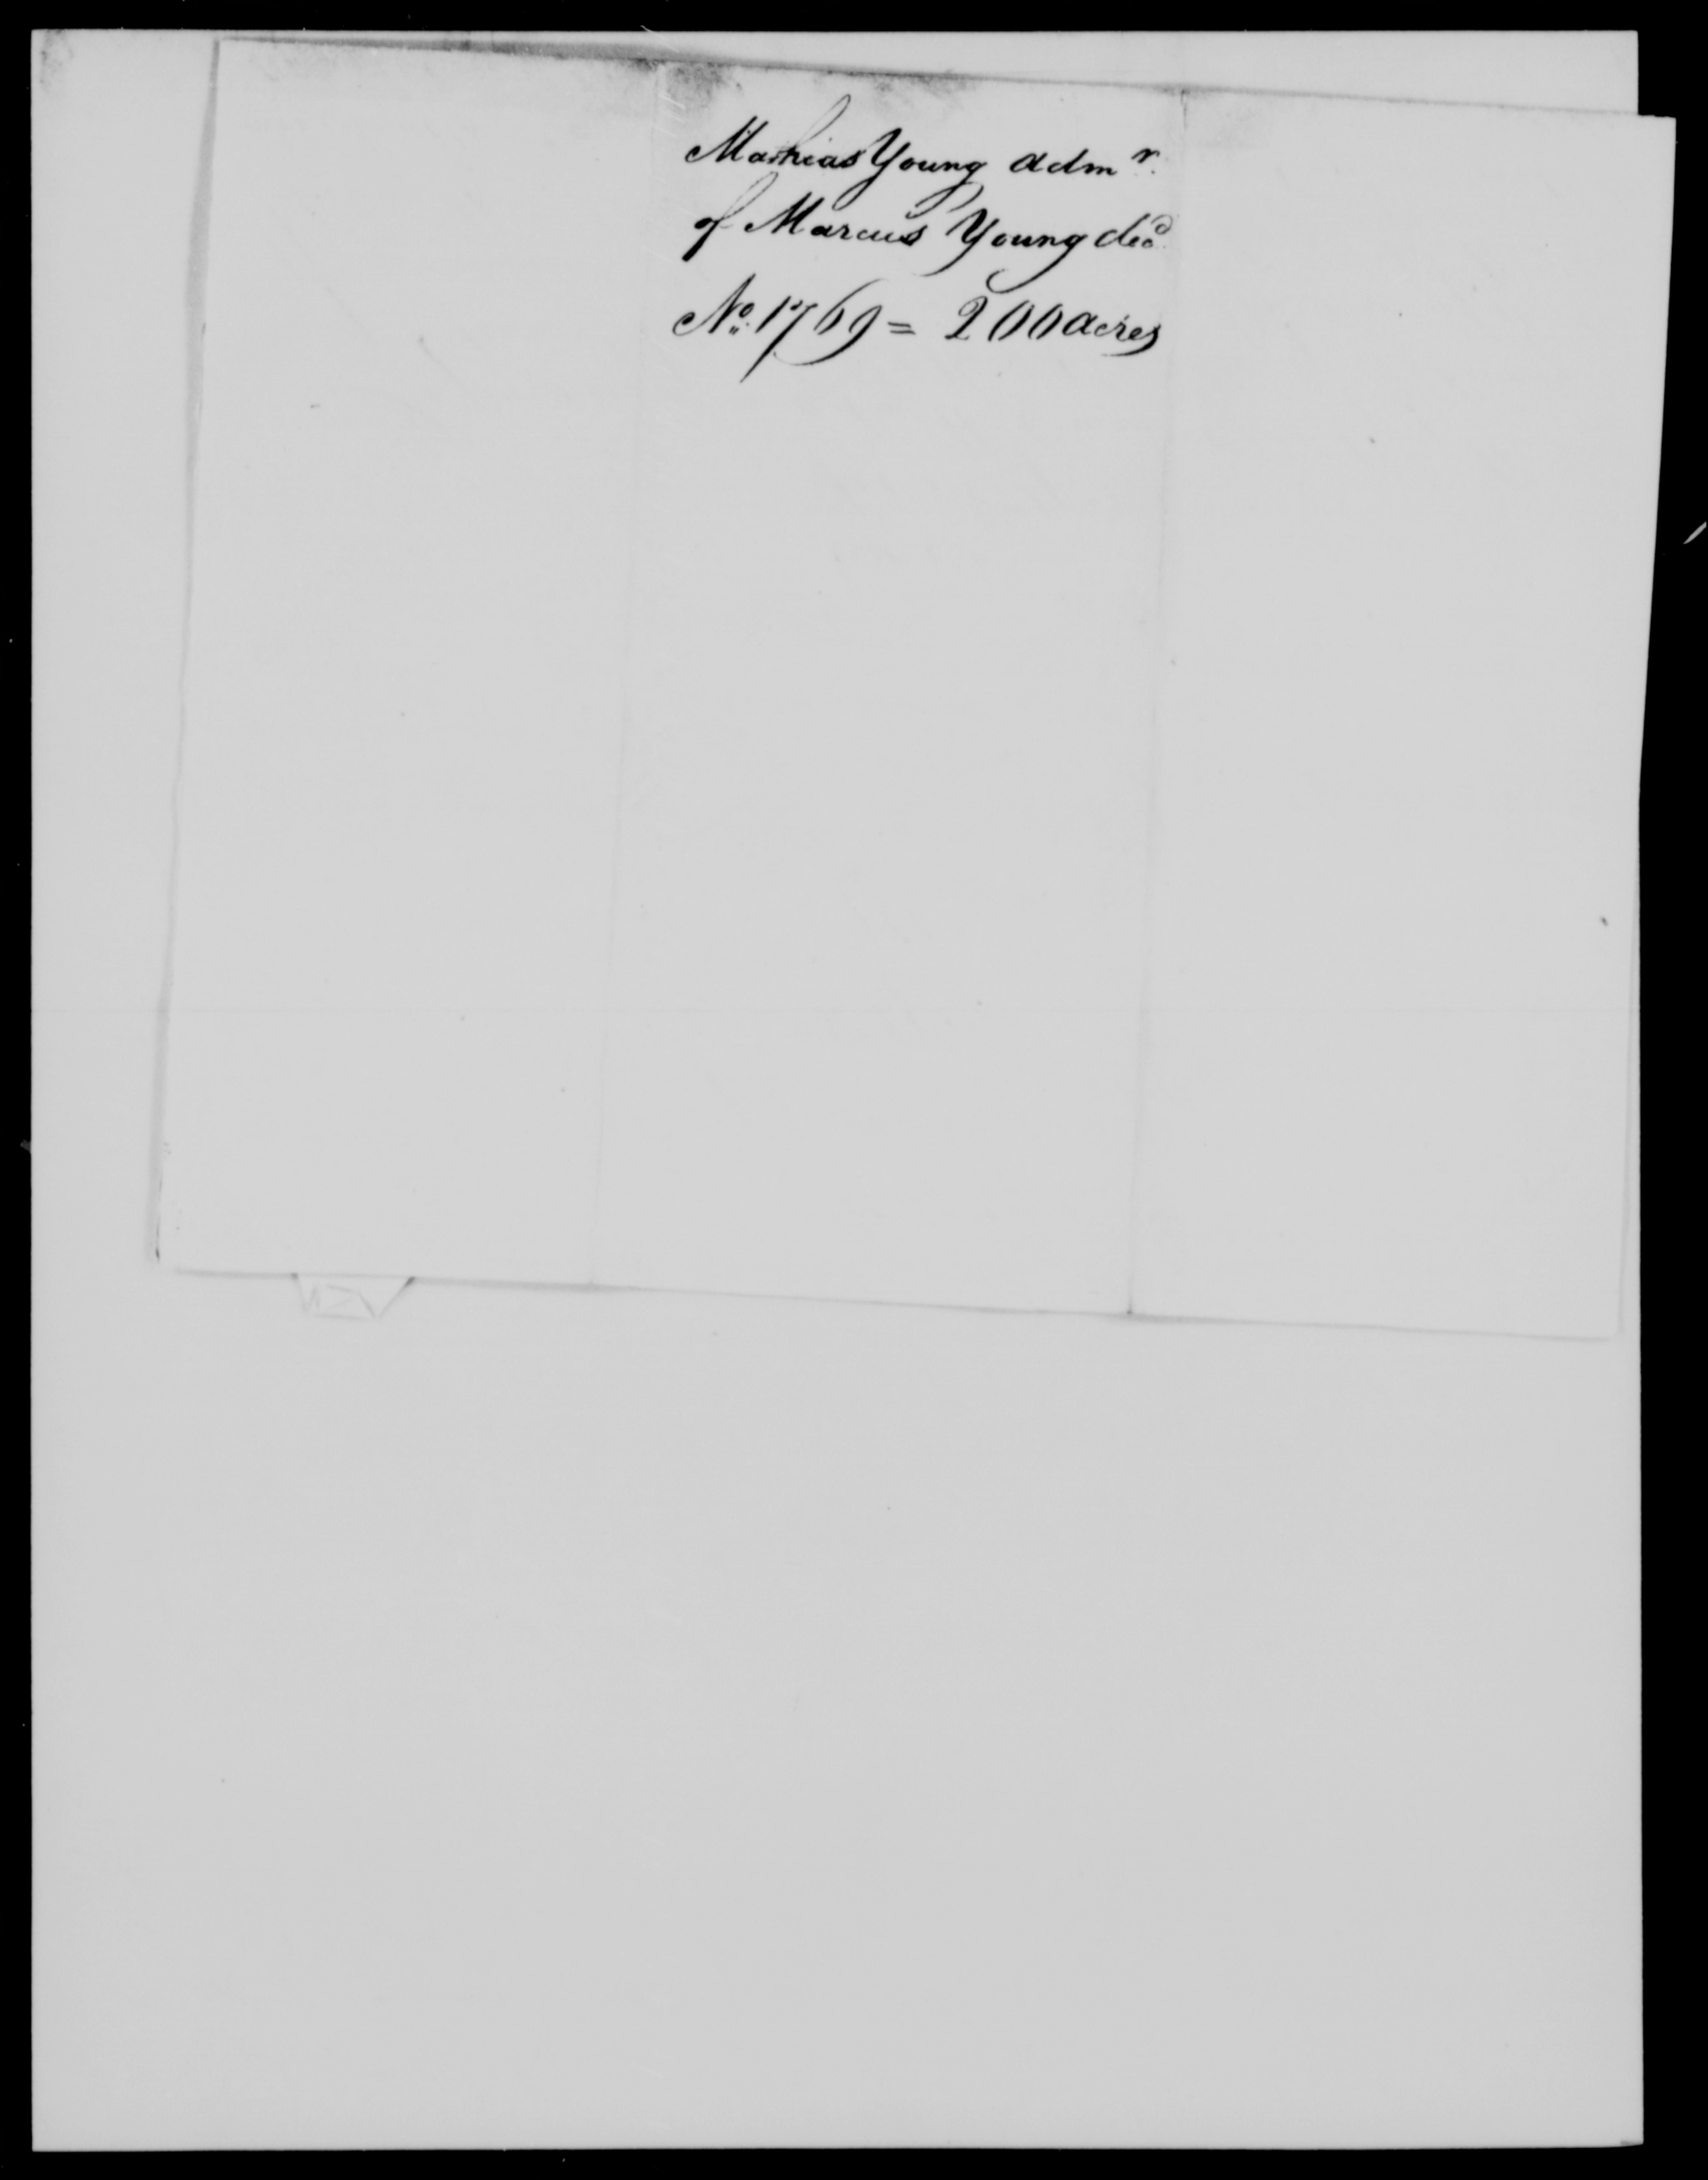Mathias Young Adm’r [administrator] of Marcus Young dec’d 
No 1769 - 200 acres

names: Marcus Young, Mathias Young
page: 5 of 13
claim: bounty land warrant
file: B. L. Wt. 428-200, Marcus Young, Penn.